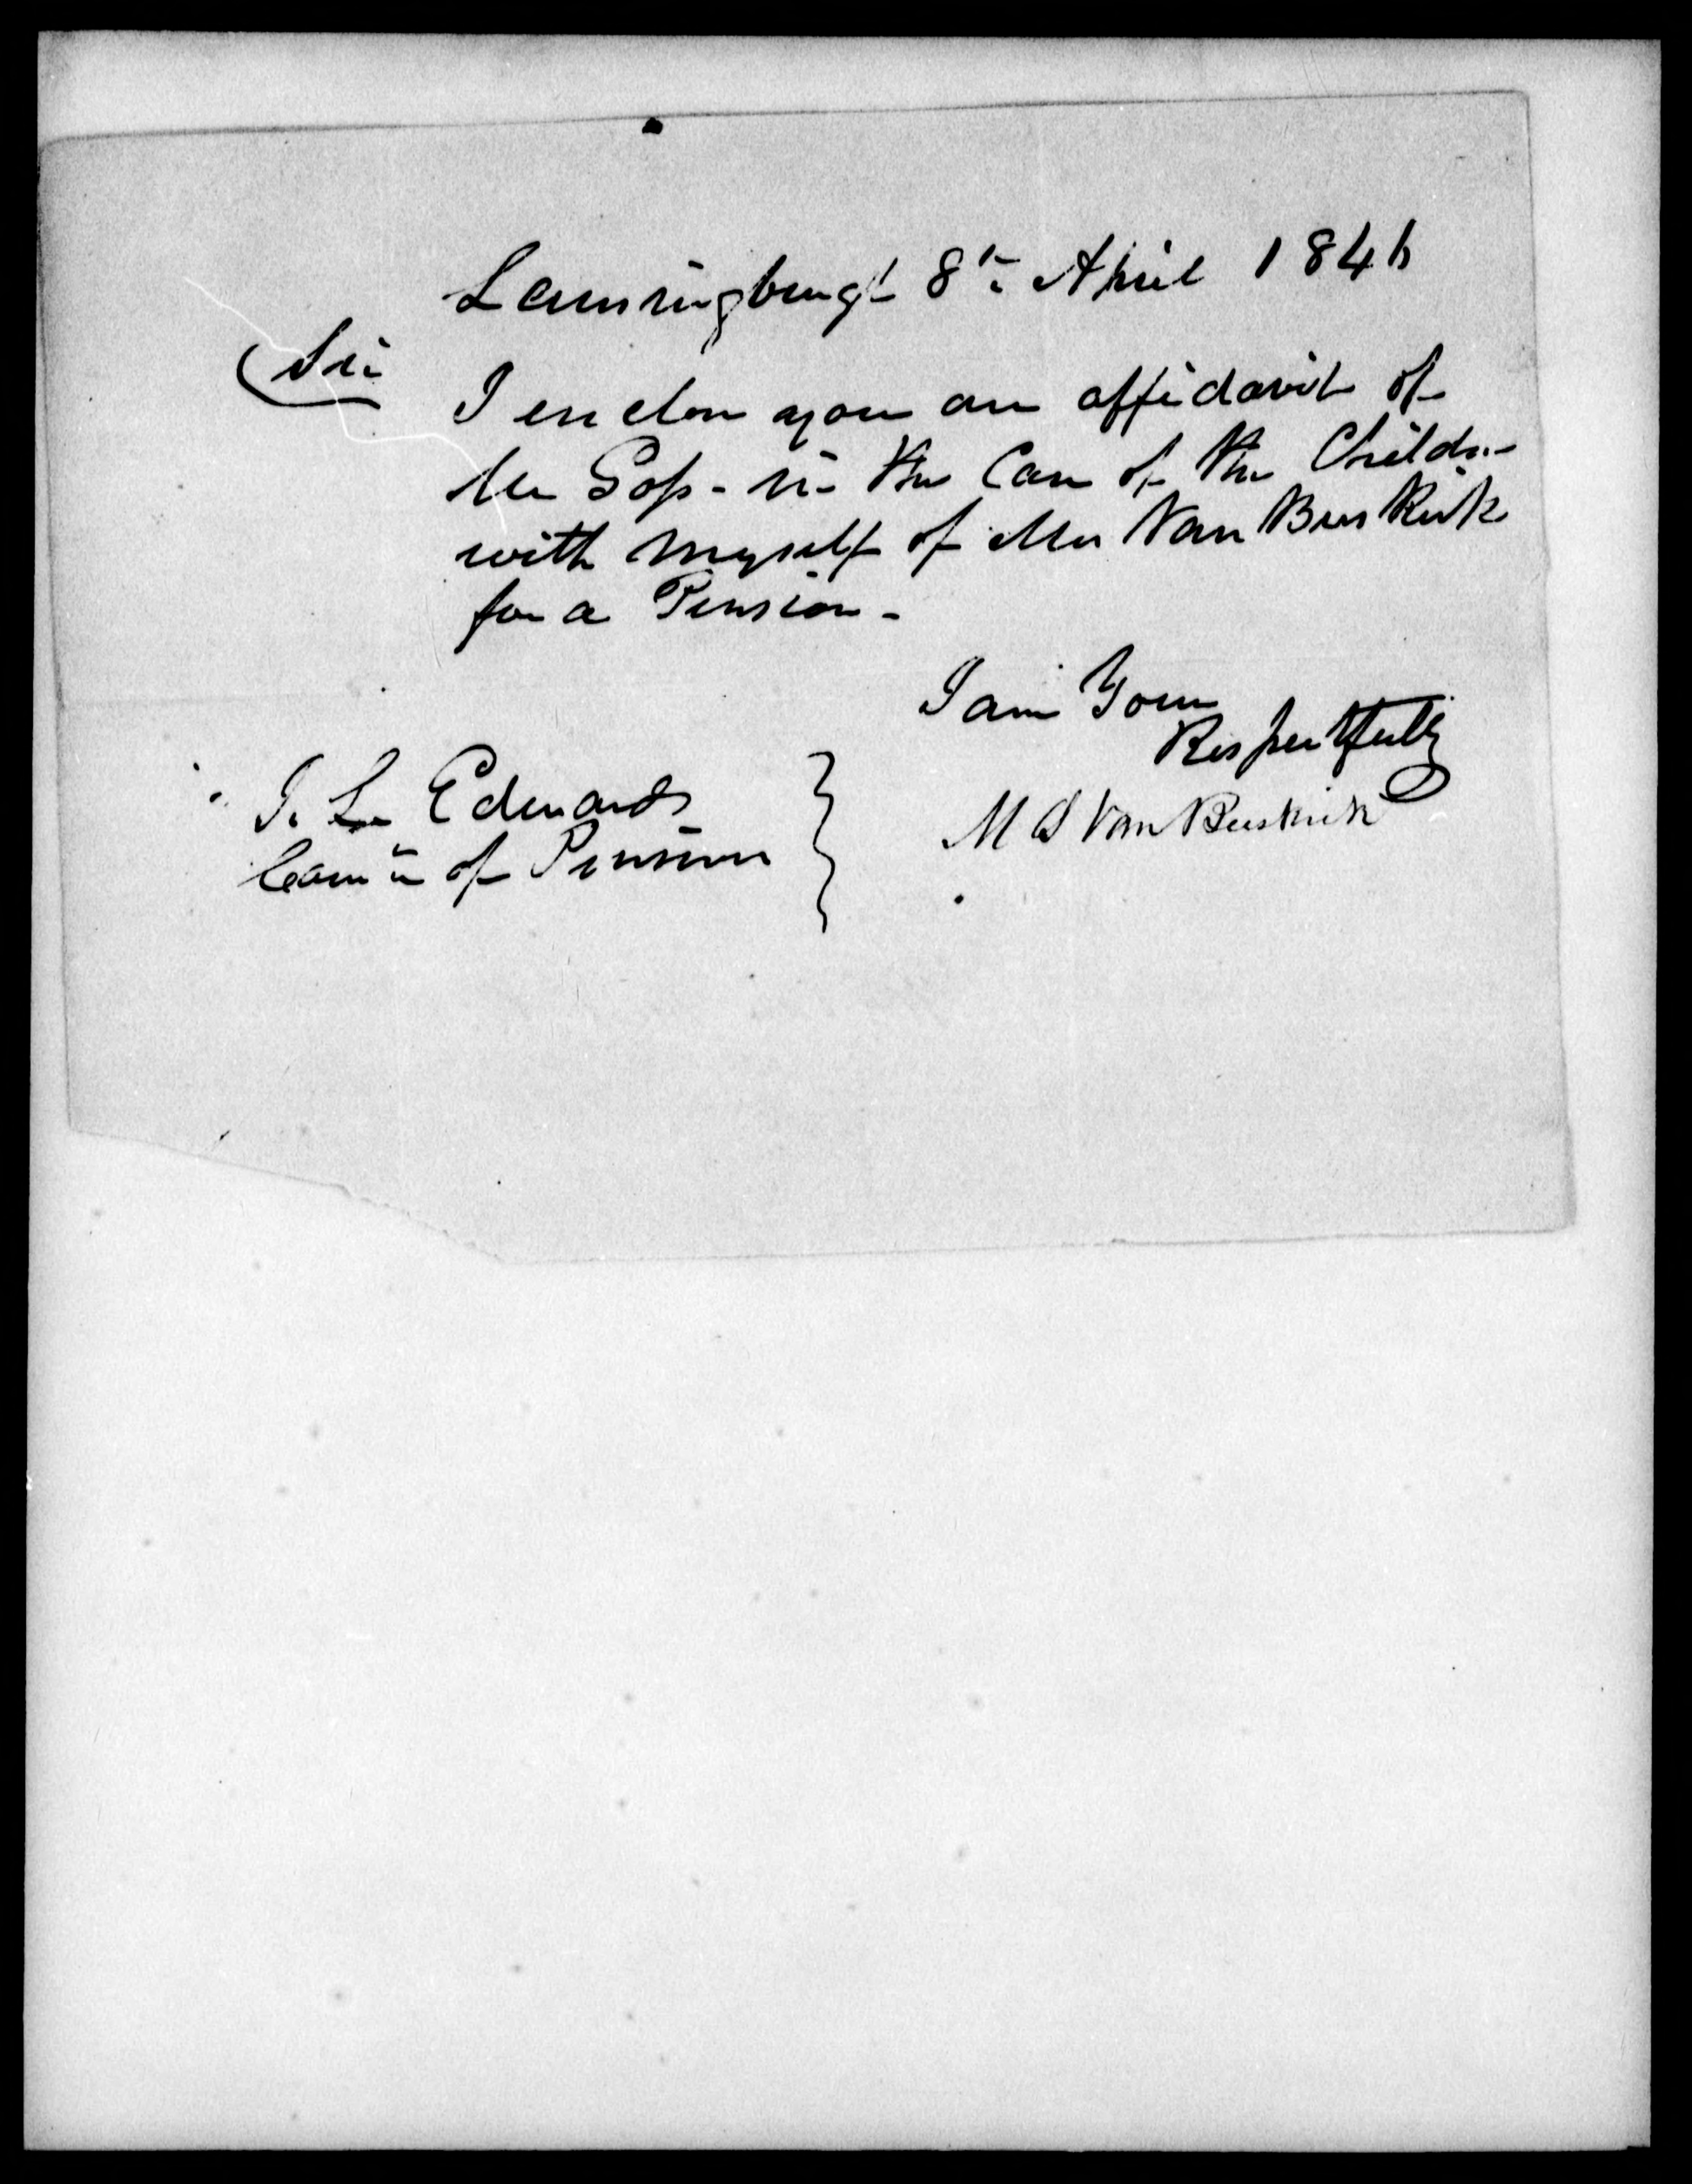Lansingburgh 8 April 1846

Sir
I enclose you an affidavit of the Sop. in the case of the children with myself of Mr. Van Buskirk
for a Pension.

I am Yours Respectfully
M S Van Buskirk [signature]

J. L. Edwards
Comr of Pensions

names: M S Van Buskirk, J L Edwards, Van Buskirk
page: 21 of 70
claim: rejected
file: R. 10,832, Martin Van Buskirk, New York.